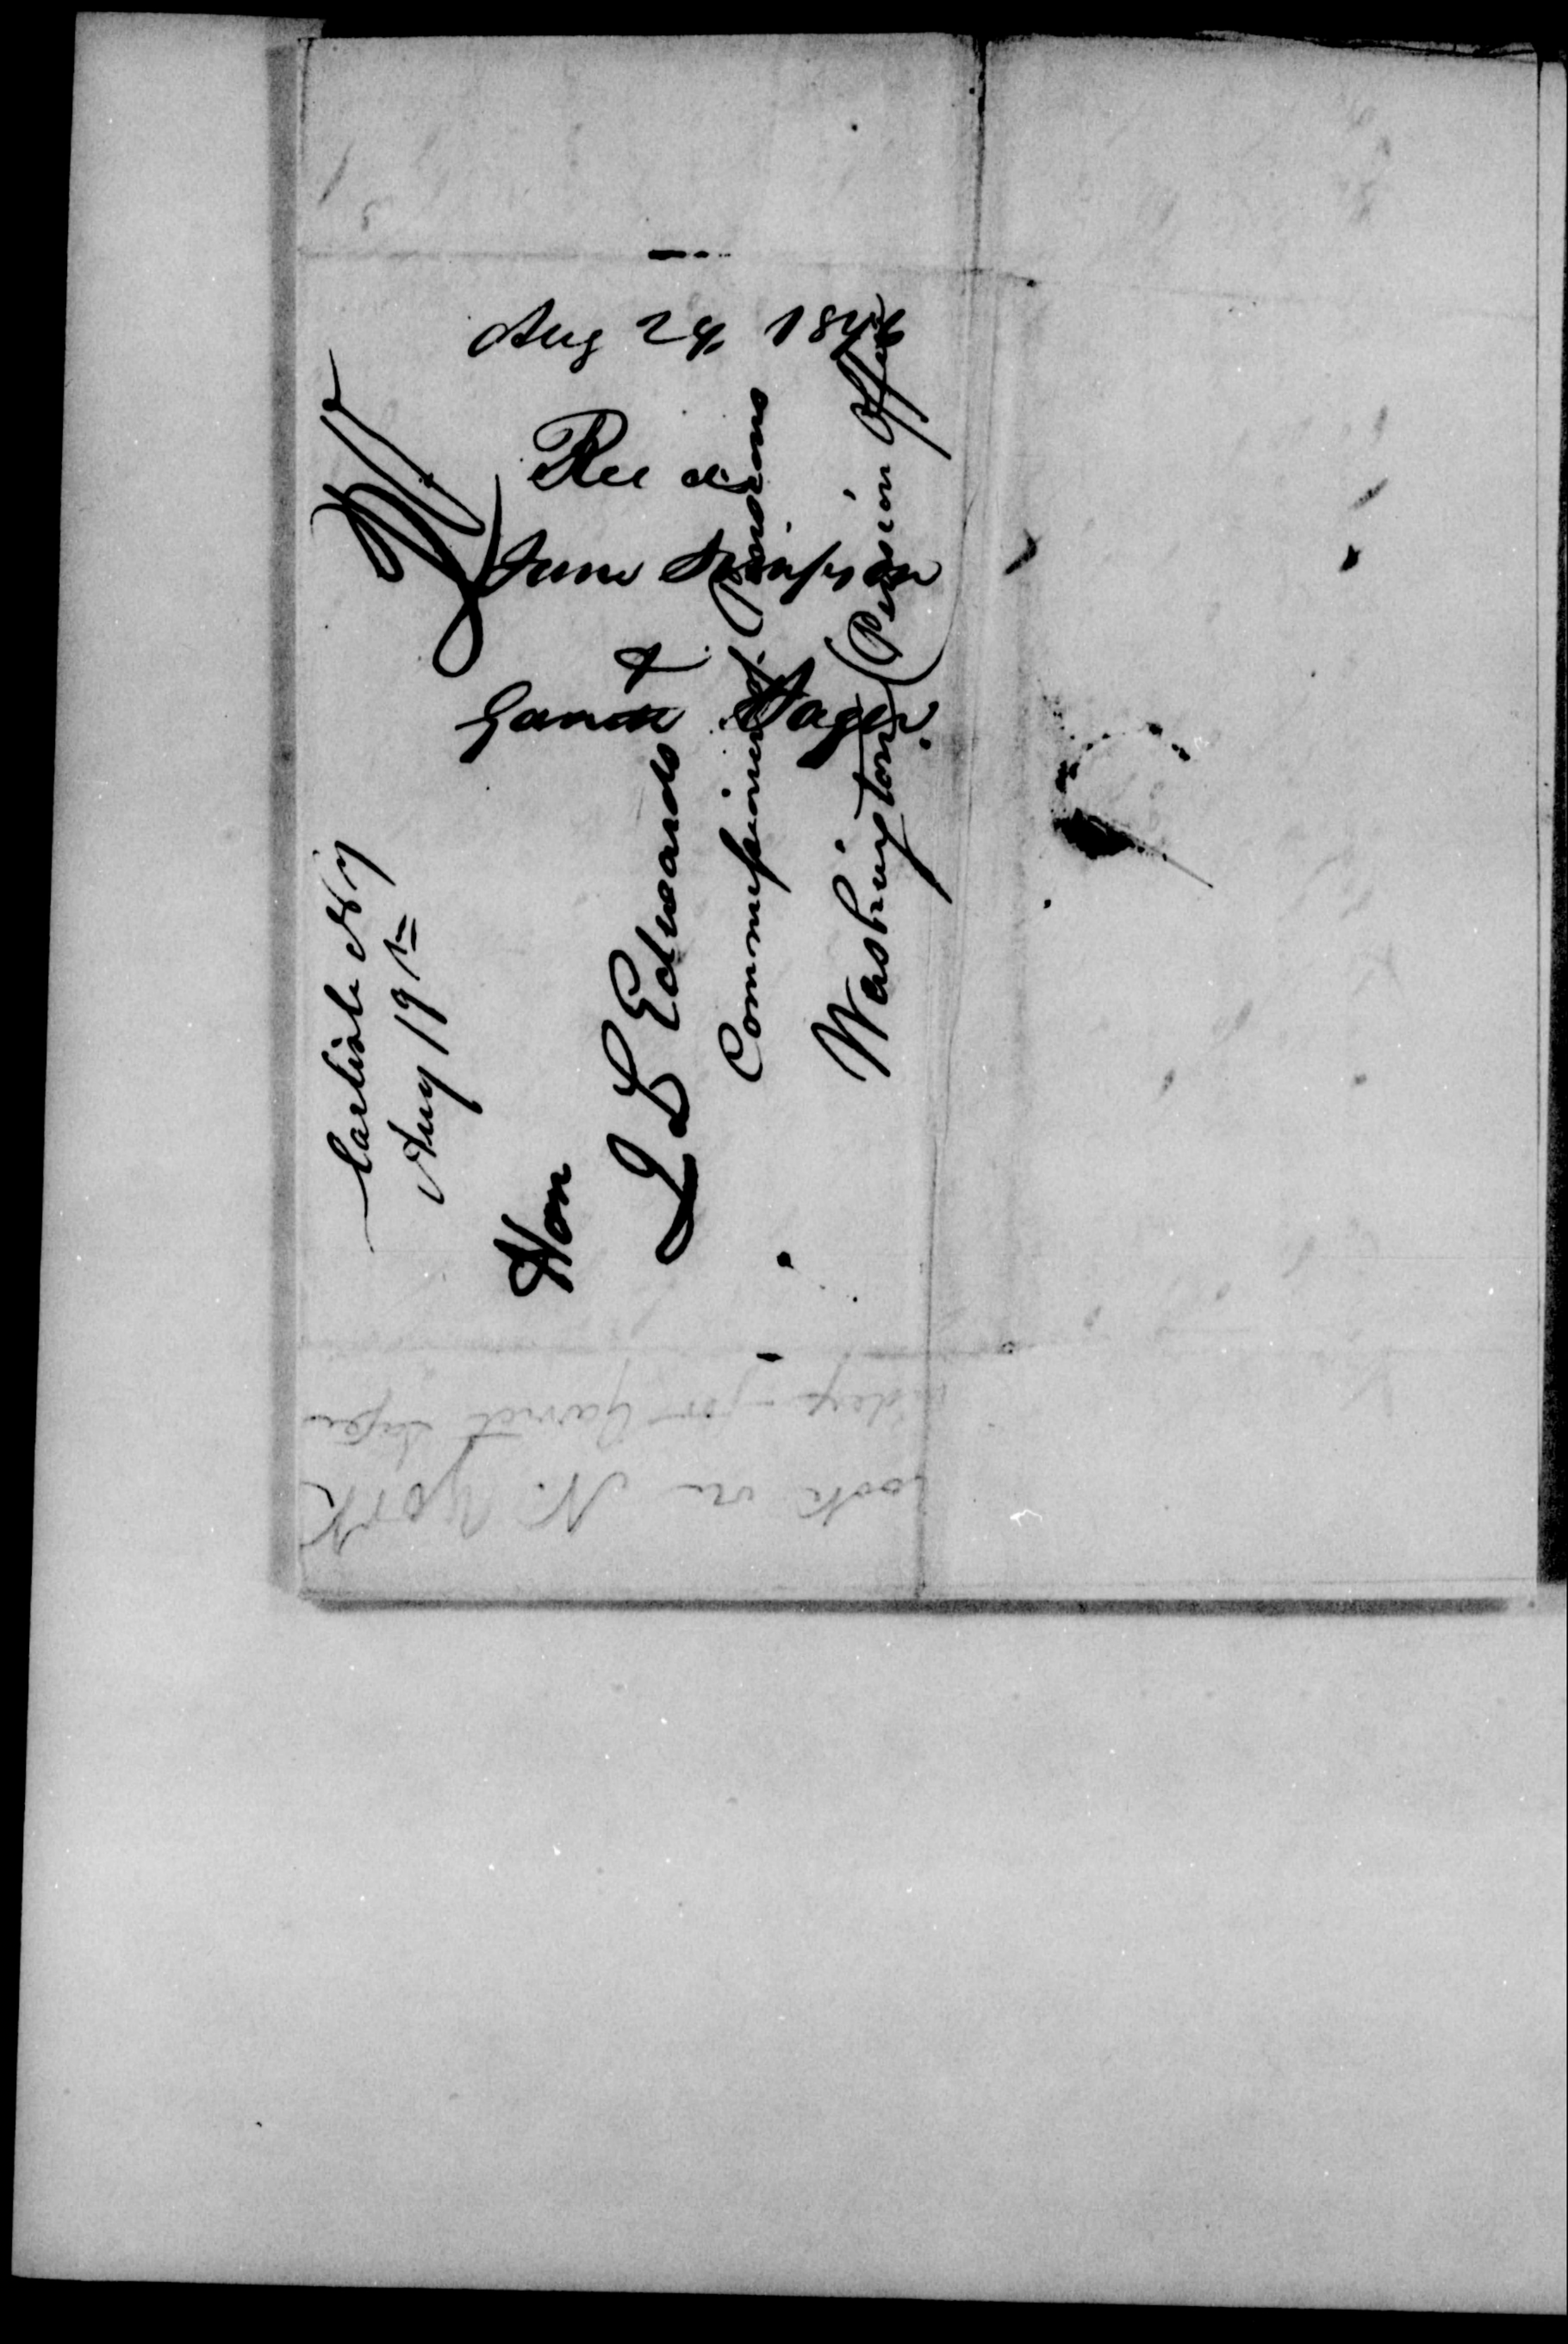Aug 29, 1846
Rec'd
June Simson
  & 
Garett Hager

Carlisle NY
Aug 19th

Hon J L  Edwards
Commissioner of Pensions 
Washington Pension Office

look on N. York
index for Garett Hager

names: June Simpson; Garett Sager; J L Edwards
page: 27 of 35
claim: rejected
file: R. 9601, for John Simson, New Jersey